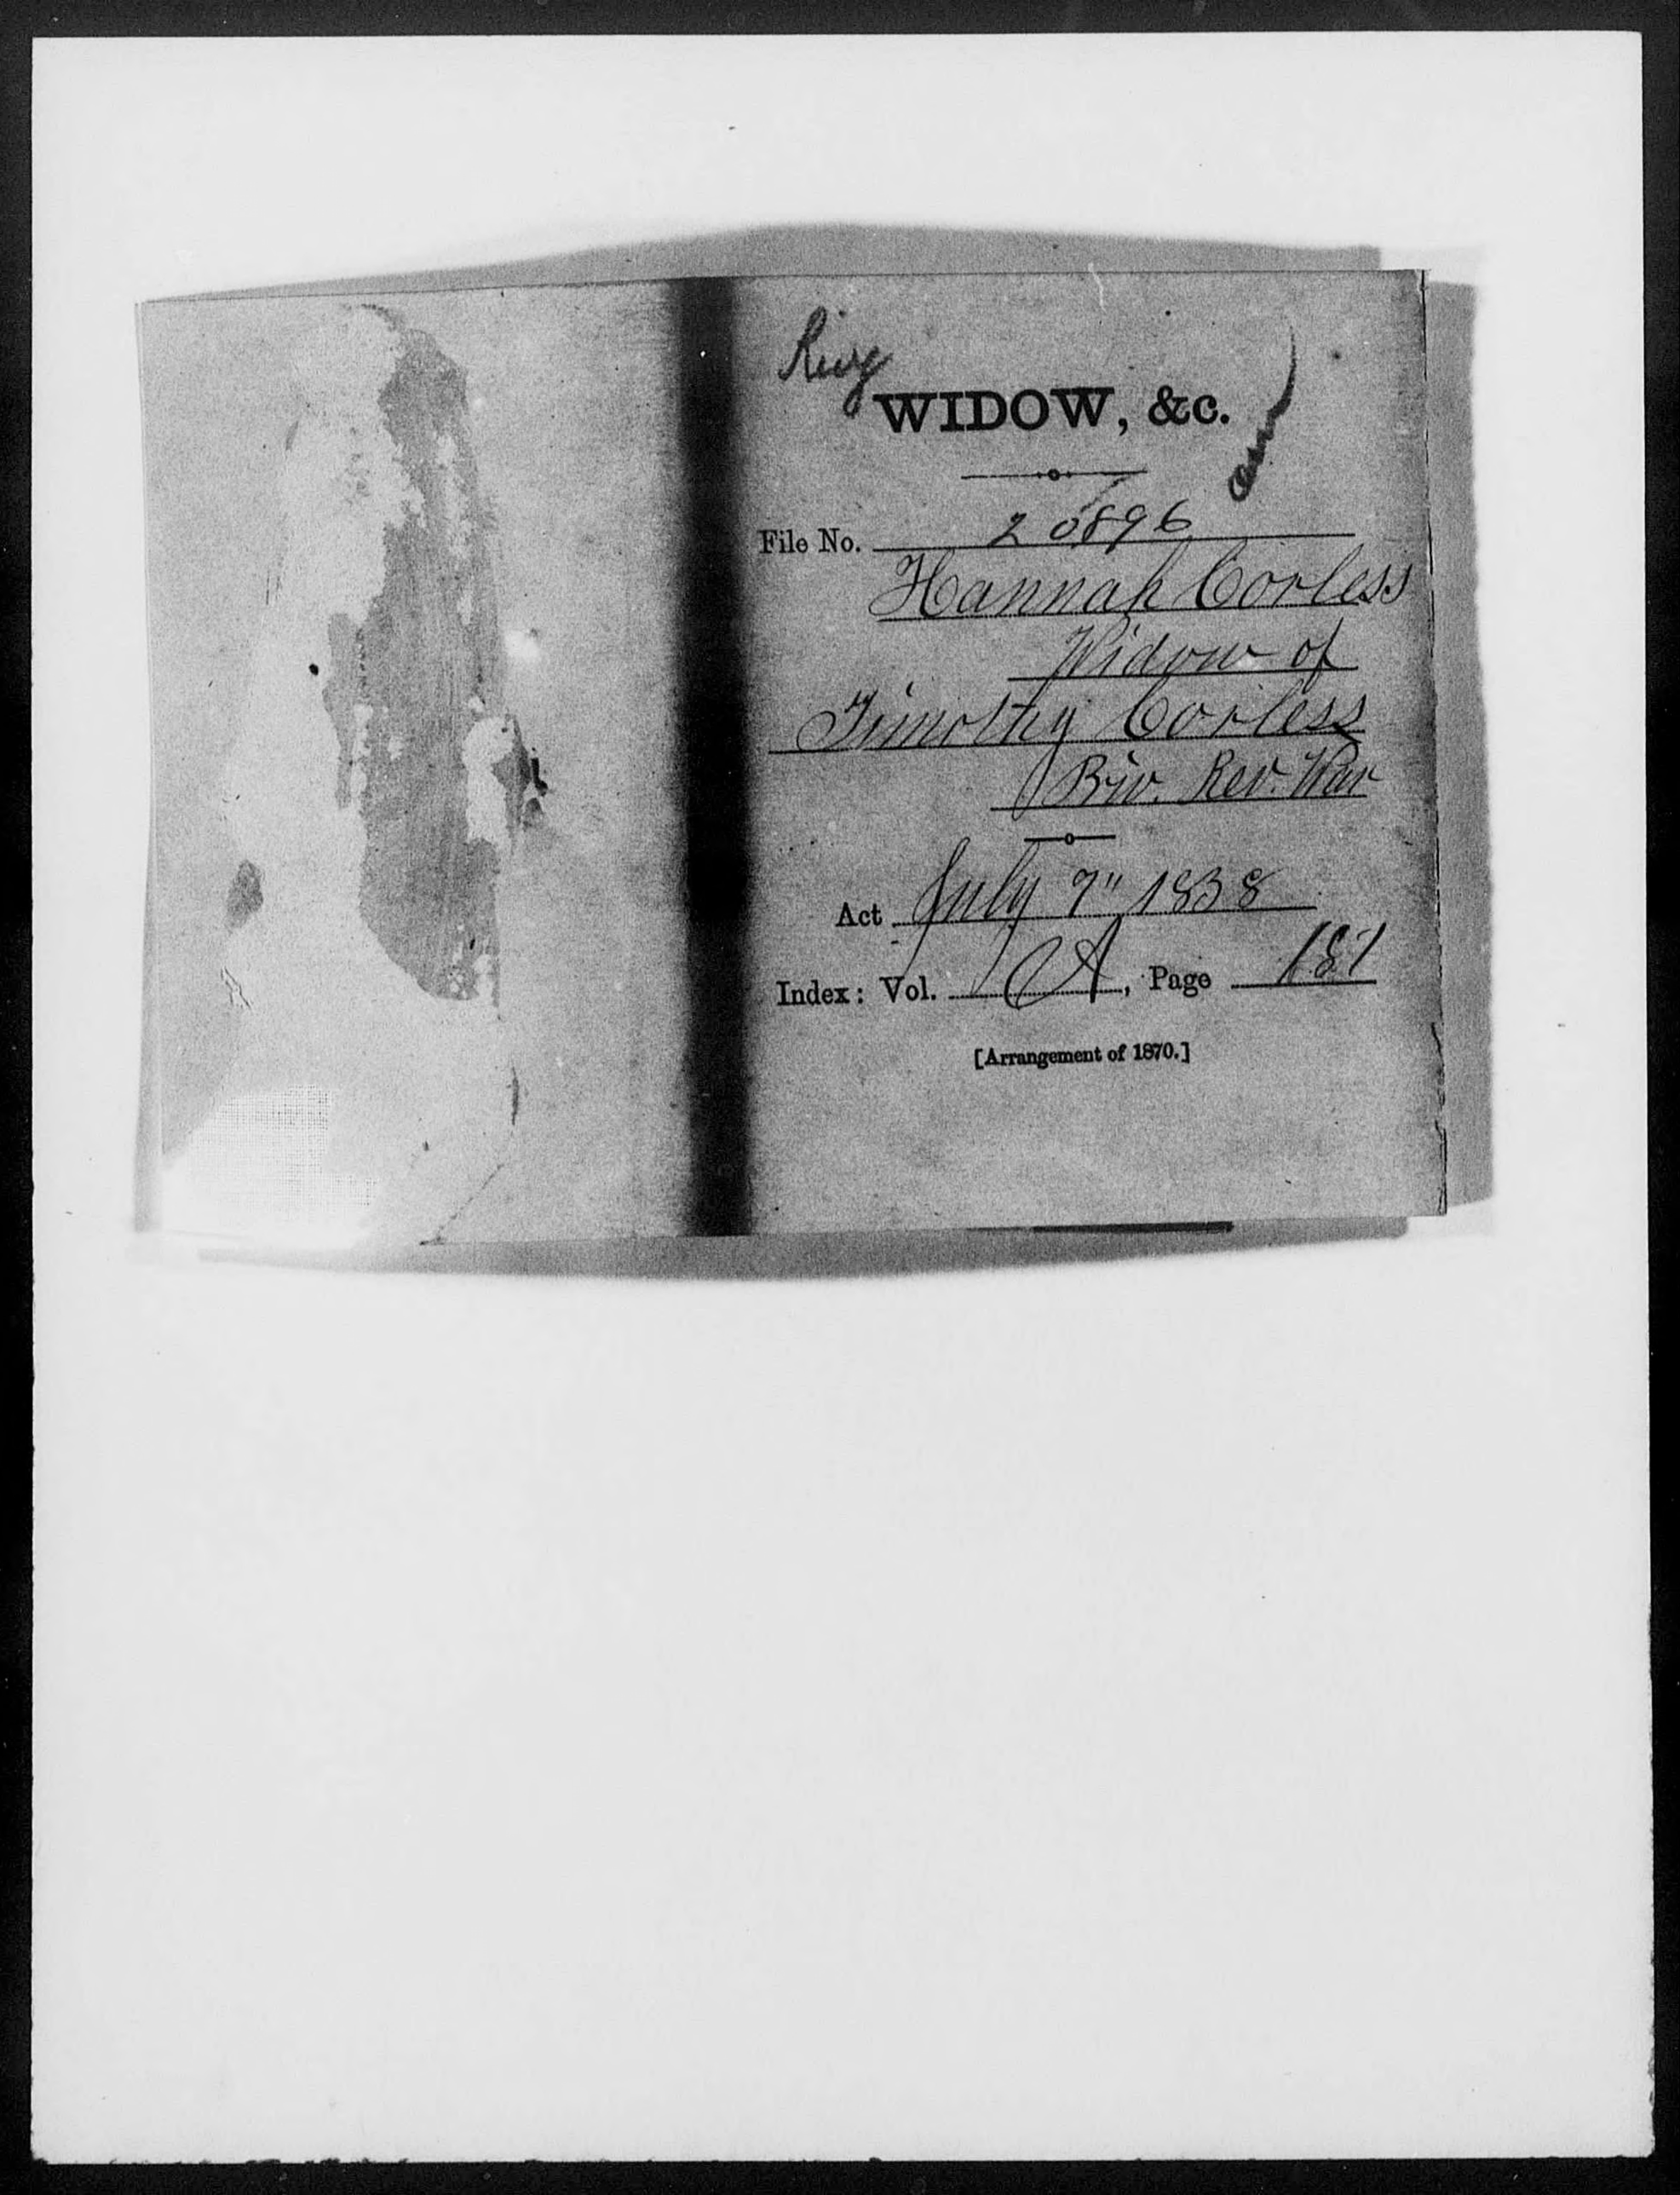Revolutionary Widow, etc.
File no. 20896

Hannah Corless
Widow of Timothy Corless
Private Revolutionary War

Act July 7, 1838
Index Volume A, Page 187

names: Hannah Corless, Timothy Corless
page: 23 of 34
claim: widow's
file: W. 20,896, Timothy Corless, Continental Mass